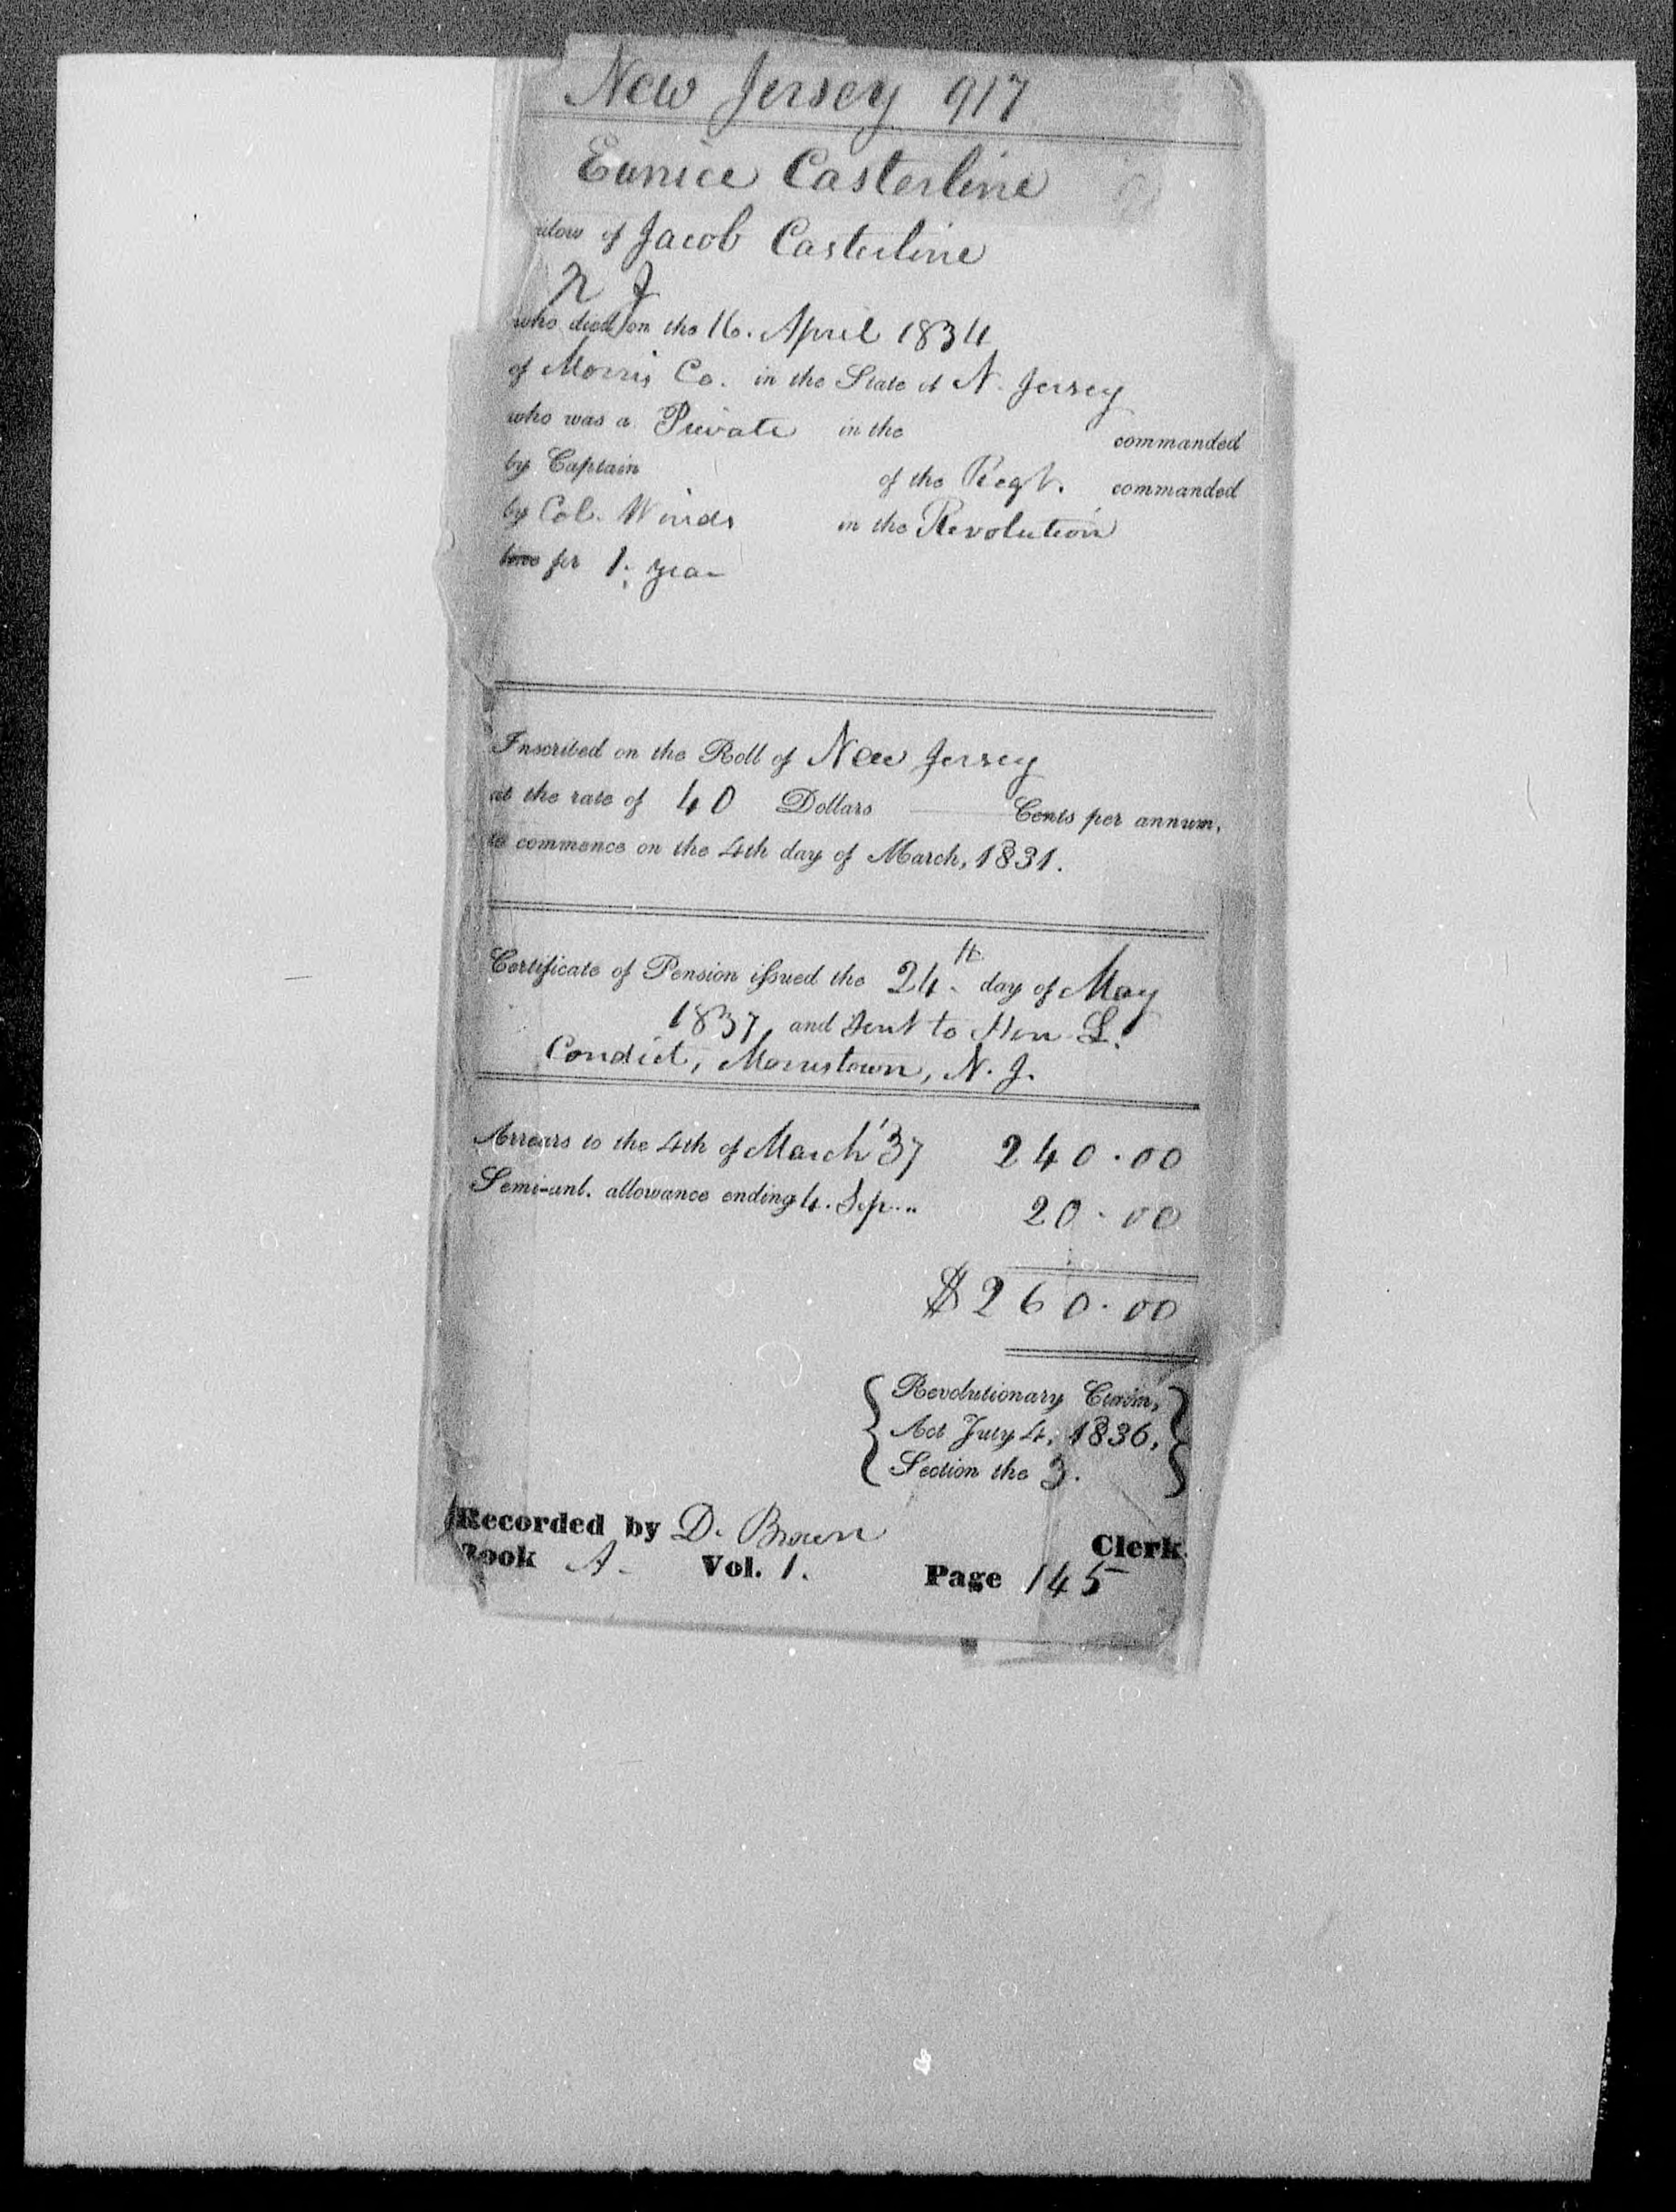New Jersey 917

Eunice Casterline widow of Jacob Casterline
NJ
who died on the 16 April 1834
of Morris Co. in the state of N. Jersey
who was a Private in the       commanded
by Captain      of the Regt commanded
by Col. Winds in the Revolution
for 1 year

Inscribed on the Roll of New Jersey
at the rate of 40 dollars -- cents per annum
to commence on the 4th day of March 1831.

Certificate of Pension issued the 24th day of May 1831 and sent to Hon. L Condict, Morristown N.J.

Arrears to the 4th of March '37     240.00
Semi-anl allowance ending 4 Sept    20.00
                                                          260.00
                                         {Revolutionary C[?]}
                                                 Act July 4, 1836
                                             Section the 3

Recorded by D. Brown            Clerk
Book A. Vol. 1 Page 145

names: Winds, L Condict, Eunice Casterline, D Brown, Jacob Casterline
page: 9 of 38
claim: widow's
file: W. 6644, Jacob Casterline, New Jersey